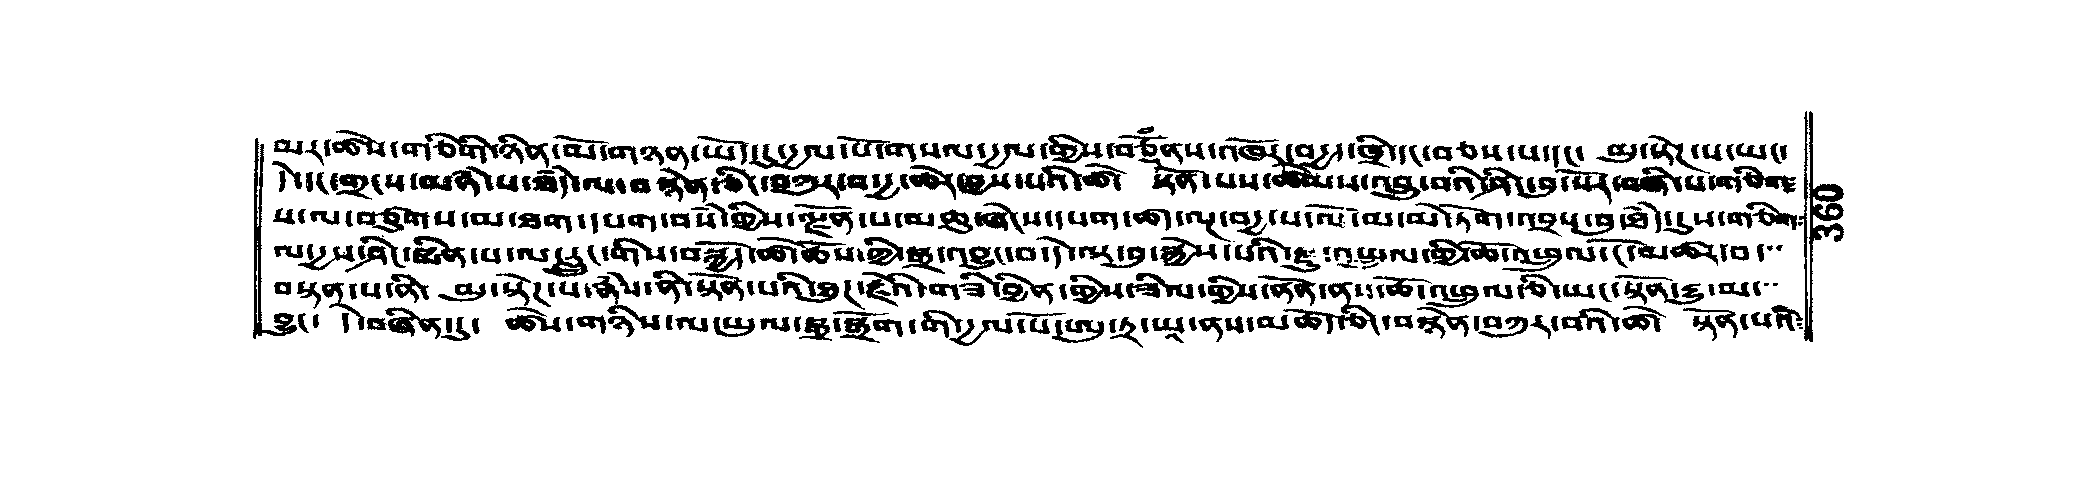མར་ཚེས་གཅིག་གི་ཉིན་མོ་གཉན་ཡོད་དུ་རྒྱལ་པོ་གསལ་རྒྱལ་གྱིས་བཅོམ་ལྡན་འདས་འཁོར་བརྒྱད་ཁྲི་དང་བཅས་པ་དང་། མུ་སྟེགས་པ་ཡང་
དེ་དང་གྲངས་མཉམ་པ་ཐམས་ཅད་ལ་བསྙེན་ཅིང་བཀུར་བ་རྒྱ་ཆེར་བྱས་པའི་ཚེ། སྟོན་པས་ཚེམས་འབྲུ་བའི་ཤིང་བུ་སོར་བཞི་པ་གཅིག་
ས་ལ་བཙུགས་མ་ཐག་དཔག་བསམ་གྱིས་ལྗོན་པ་མཆུ་ཞེངས་དཔག་ཚད་ལྔ་བརྒྱ་པ་ལོ་མ་མེ་ཏོག་འབྲས་བུ་ཐམས་ཅད་དུས་གཅིག་
ལ་རྒྱས་ཤིང་སྨིན་པ་ལ་རླུང་གིས་བསྐྱོད་ཚེ་ཆོས་ཀྱི་སྒྲ་འབྱུང་བ་དེ་ལྟ་བུ་སྐྱེས་པའི་རྫུ་འཕྲུལ་གྱི་ཆོ་འཕྲུལ་ངོ་མཚར་བ་
བསྟན་པ་ནི། མུ་སྟེགས་པ་རྣམས་ནི་སྟོན་པའི་ཐུགས་རྗེའི་གཟི་བྱིན་གྱིས་ཟིལ་གྱིས་ནོན་ནས་ཆོ་འཕྲུལ་ཅི་ཡང་སྟོན་རྒྱུ་མ་
བྱུང་། དེ་བཞིན་དུ། ཚེས་གཉིས་ལ་ཡུལ་སྒྲ་སྒྲོག་གི་རྒྱལ་པོ་ཨུ་ཏྲ་ཡཱ་ནས་མཆོད་ཅིང་བསྙེན་བཀུར་བའི་ཚེ།སྟོན་པའི་